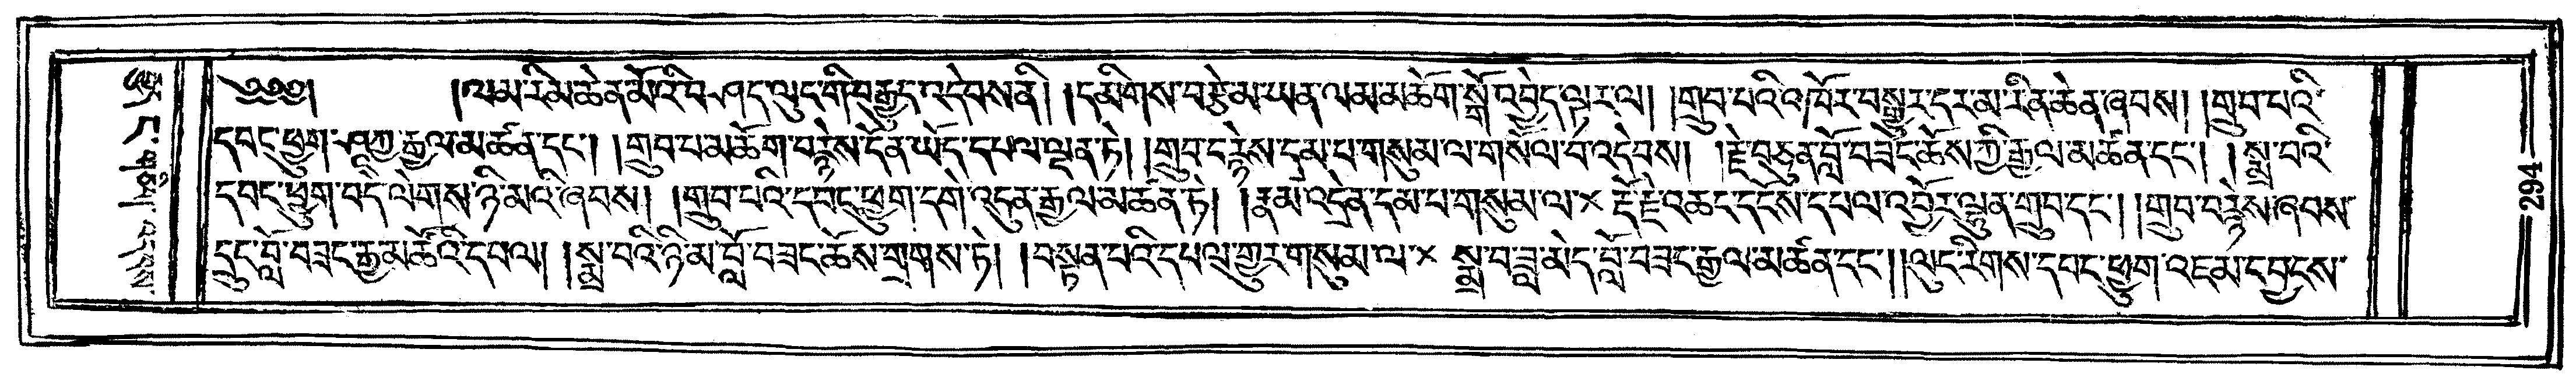༄༅༅། །ལམ་རིམ་ཆེན་མོའི་བཤད་ལུང་གི་བརྒྱུད་འདེབས་ནི། །དམིགས་བརྩེ་མ་ཡན་ལམ་མཆོག་སྒོ་འབྱེད་ལྟར་ལ། །གྲུབ་པའི་འཁོར་བསྒྱུར་དར་མ་རིན་ཆེན་ཞབས། །གྲུབ་པའི་
དབང་ཕྱུག་ཤཱཀྱ་རྒྱལ་མཚན་དང་། །གྲུབ་པ་མཆོག་བརྙེས་དོན་ཡོད་དཔལ་ལྡན་ཏེ། །གྲུབ་བརྙེས་དམ་པ་གསུམ་ལ་གསོལ་བ་འདེབས། །རྗེ་བཙུན་བློ་བཟང་ཆོས་ཀྱི་རྒྱལ་མཚན་དང་། །སྨྲ་བའི་
དབང་ཕྱུག་བདེ་ལེགས་ཉི་མའི་ཞབས། །གྲུབ་པའི་དབང་ཕྱུག་དགེ་འདུན་རྒྱལ་མཚན་ཏེ། །རྣམ་འདྲེན་དམ་པ་གསུམ་ལ་{྾}་རྡོ་རྗེ་འཆང་དངོས་དཔལ་འབྱོར་ལྷུན་གྲུབ་དང་། །གྲུབ་བརྙེས་ཞབས་
དྲུང་བློ་བཟང་རྒྱ་མཚོའི་དཔལ། །སྨྲ་བའི་ཉི་མ་བློ་བཟང་ཆོས་གྲགས་ཏེ། །བསྟན་པའི་དཔལ་གྱུར་གསུམ་ལ་{྾}་སྨྲ་བ་ཟླ་མེད་བློ་བཟང་རྒྱལ་མཚན་དང་། །ལུང་རིགས་དབང་ཕྱུག་འཇམ་དབྱངས་